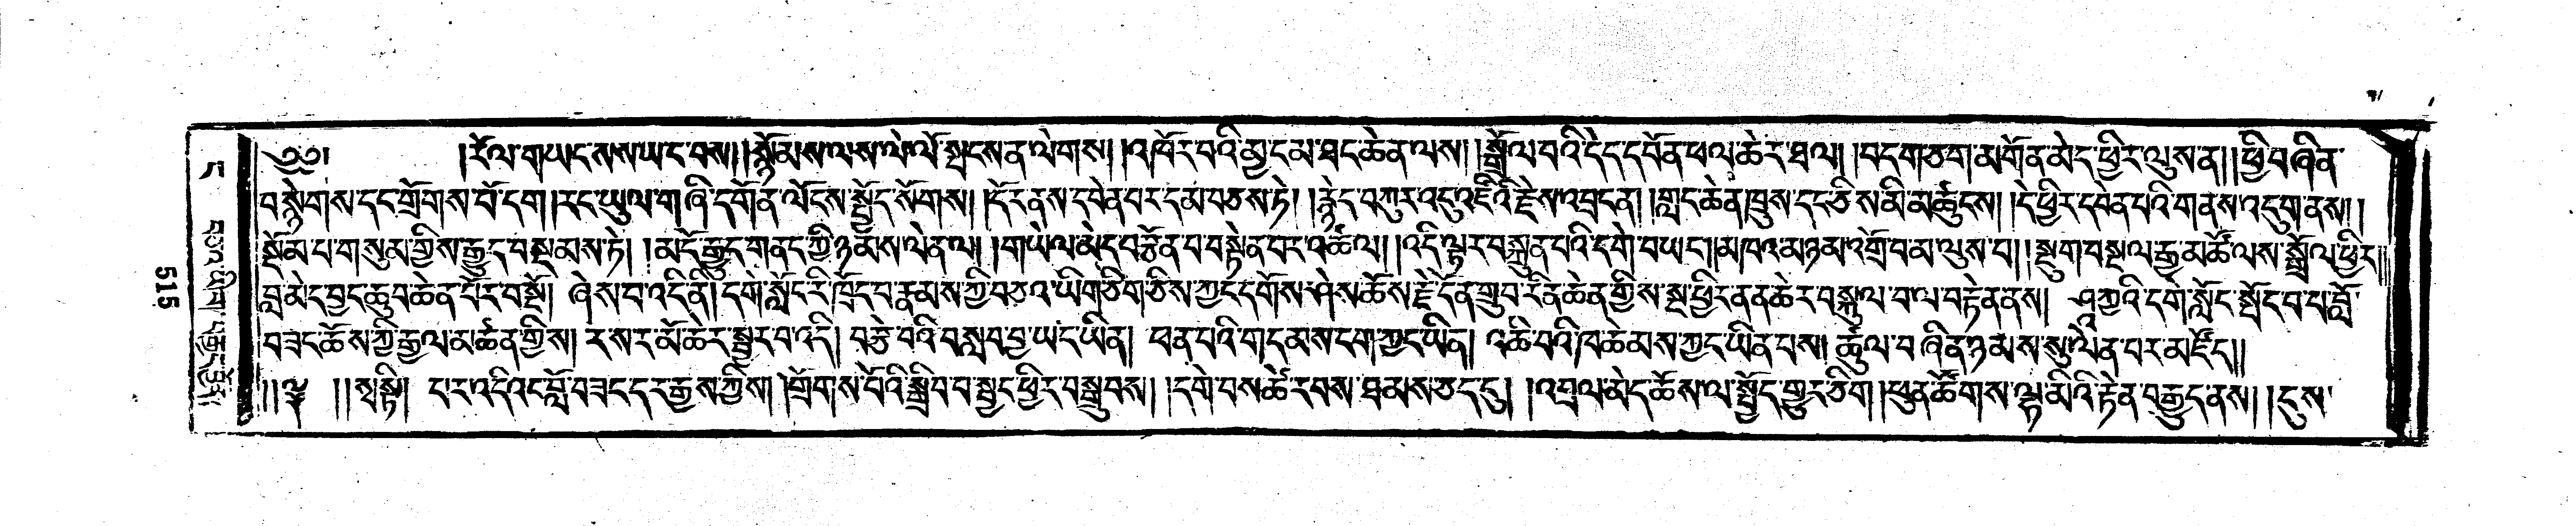༄༅། །རོལ་གཡང་སས་ཡ་ང་བས། །སྙོམས་ལས་ལེ་ལོ་སྤངས་ན་ལེགས། །འཁོར་བའི་མྱ་ངམ་ཐང་ཆེན་ལས། །སྒྲོལ་བའི་དེད་དཔོན་ཕལ་ཆེར་ཐལ། །བདག་ཅག་མགོན་མེད་ཕྱིར་ལུས་ན། །ཕྱི་བཞིན་
བསྙེགས་དང་གྲོགས་པོ་དག །རང་ཡུལ་གཞི་དགོན་ལོངས་སྤྱོད་སོགས། །དོར་ནས་དབེན་པར་དམ་བཅས་ཏེ། །རྙེད་བཀུར་འདུ་འཛིའི་རྗེས་འབྲང་ན། །གླང་ཆེན་ཁྲུས་དང་ཅིས་མི་མཚུངས། །དེ་ཕྱིར་དབེན་པའི་གནས་འདུག་ནས། །
སྡོམ་པ་གསུམ་གྱིས་རྒྱུད་བསྡམས་ཏེ། །མདོ་རྒྱུད་གནད་ཀྱི་ཉམས་ལེན་ལ། །གཡེལ་མེད་བརྩོན་པ་བསྟེན་པར་འཚལ། །འདི་ལྟར་བསྐྲུན་པའི་དགེ་བ་ཡང་། །མཁའ་མཉམ་འགྲོ་བ་མ་ལུས་པ། །སྡུག་བསྔལ་རྒྱ་མཚོ་ལས་སྒྲོལ་ཕྱིར། །
བླ་མེད་བྱང་ཆུབ་ཆེན་པོར་བསྔོ། ཞེས་པ་འདི་ནི། དགེ་སློང་རི་ཁྲོད་པ་རྣམས་ཀྱི་བཅའ་ཡིག་ཅིག་ཅིས་ཀྱང་དགོས་ཤེས་ཆོས་རྗེ་དོན་གྲུབ་རིན་ཆེན་གྱིས་སྔ་ཕྱིར་ནན་ཆེར་བསྐུལ་བ་ལ་བརྟེན་ནས། ཤཱཀྱའི་དགེ་སློང་སྤོང་བ་པ་བློ་
བཟང་ཆོས་ཀྱི་རྒྱལ་མཚན་གྱིས། ར་ས་ར་མོ་ཆེར་སྦྱར་བ་འདི། བརྩེ་བའི་བསླབ་བྱ་ཡང་ཡིན། ཕན་པའི་གདམས་ངག་ཀྱང་ཡིན། འཆི་བའི་ཁ་ཆེམས་ཀྱང་ཡིན་པས། ཚུལ་བཞིན་ཉམས་སུ་ལེན་པར་མཛོད།།
།། ༈ །།སྭ་སྟི། པར་འདིའང་བློ་བཟང་དར་རྒྱས་ཀྱིས། །གྲོགས་པོའི་སྒྲིབ་པ་སྦྱང་ཕྱིར་བསྒྲུབས། །དགེ་བས་ཚེ་རབས་ཐམས་ཅད་དུ། །འབྲལ་མེད་ཆོས་ལ་སྤྱོད་གྱུར་ཅིག །ཕུན་ཚོགས་ལྷ་མིའི་རྟེན་བརྒྱུད་ནས། །དུས་